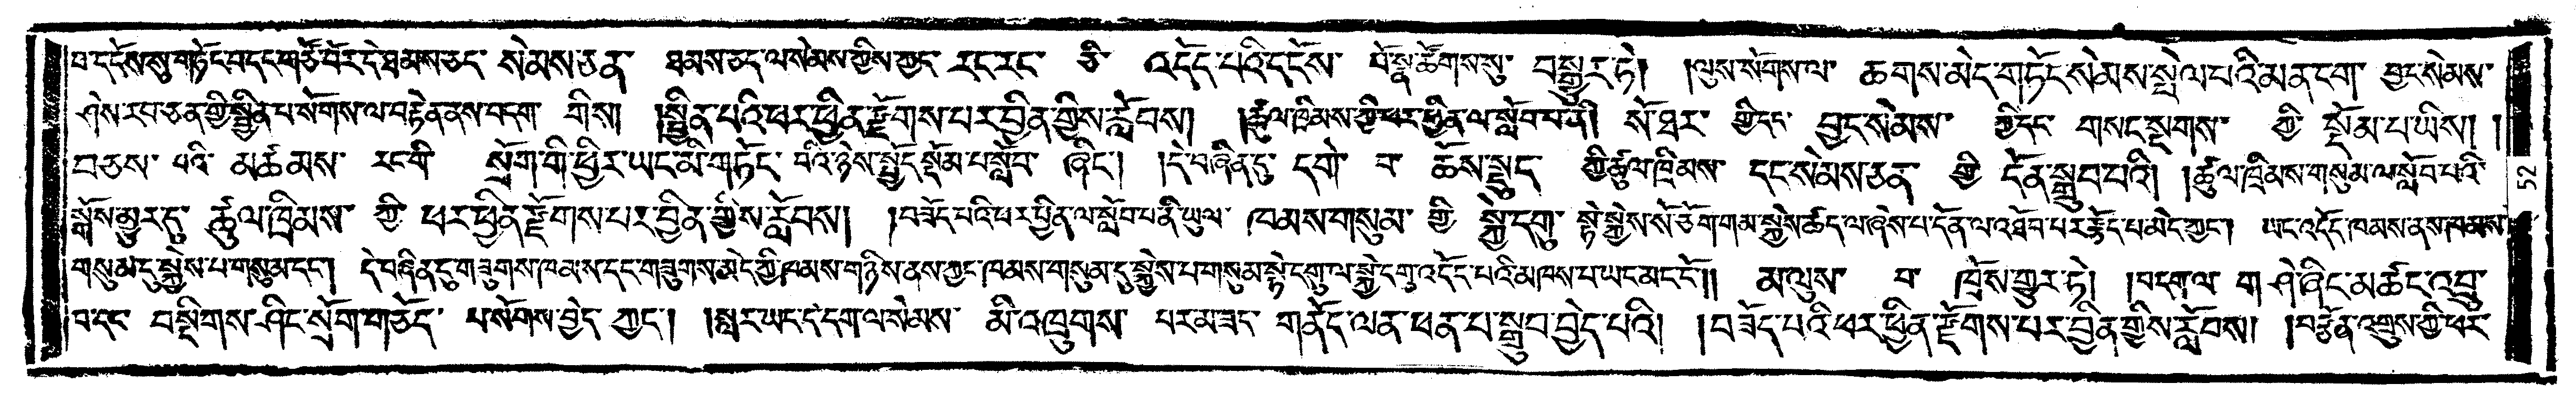པ་དངོས་སུ་གཏོང་བ་དང་གཙོ་བོར་དེ་ཐམས་ཅད་སེམས་ཅན་ཐམས་ཅད་ལ་སེམས་ཀྱིས་ཀྱང་རང་རང་ཅི་འདོད་པའི་དངོས་པོ་སྣ་ཚོས་སུ་བསྒྱུར་ཏེ། །ལུས་སོགས་ལ་ཆགས་མེད་གཏོང་སེམས་སྤེལ་པའི་མན་ངག་བྱང་སེམས་
ཤེས་རབ་ཅན་གྱི་སྦྱིན་པ་སོགས་ལ་བརྟེན་ནས་བདག་གིས། །སྦྱིན་པའི་ཕར་ཕྱིན་རྫོགས་པར་བྱིན་གྱིས་རློབས། །ཚུལ་ཁྲིམས་ཀྱི་ཕར་ཕྱིན་ལ་སློབ་པ་ནི། སོ་ཐར་གྱི་དང་བྱང་སེམས་ཀྱི་དང་གསང་སྔགས་ཀྱི་སྡོམ་པ་ཡིས། །
བཅས་པའི་མཚམས་རང་གི་སྲོག་གི་ཕྱིར་ཡང་མི་གཏོང་བའི་ཉེས་སྤྱོད་སྡོམ་པ་སློབ་ཞིང་། །དེ་བཞིན་དུ་དགེ་བ་ཆོས་སྡུད་ཀྱི་ཚུལ་ཁྲིམས་དང་སེམས་ཅན་གྱི་དོན་སྒྲུབ་པའི། །ཚུལ་ཁྲིམས་གསུམ་ལ་སློབ་པའི་
སྒོས་མྱུར་དུ་ཚུལ་ཁྲིམས་ཀྱི་ཕར་ཕྱིན་རྫོགས་པར་བྱིན་གྱིས་རློབས། །བཟོད་པའི་ཕར་བྱིན་ལ་སློབ་པ་ནི་ཡུལ་ཁམས་གསུམ་གྱི་སྐྱེ་དགུ་སྟེ་སྐྱེས་སོ་ཅོག་གམ་སྐྱེས་ཚད་ལ་ཞེས་པ་དོན་ལ་འཐོབ་པར་རྩོད་པ་མེད་ཀྱང་། ཡང་འདོད་ཁམས་ནས་ཁམས་
གསུམ་དུ་སྐྱེས་པ་གསུམ་དང་། དེ་བཞིན་དུ་གཟུགས་ཁམས་དང་གཟུགས་མེད་ཀྱི་ཁམས་གཉིས་ནས་ཀྱང་ཁམས་གསུམ་དུ་སྐྱེས་པ་གསུམ་སྟེ་དགུ་ལ་སྐྱེ་དགུ་འདོད་པའི་མཁས་པ་ཡང་མང་ངོ།། མ་ལུས་པ་ཁྲོས་གྱུར་ཏེ། །བདག་ལ་གཤེ་ཞིང་མཚང་འབྲུ་
པ་དང་བསྡིགས་ཤིང་སྲོག་གཅོད་པ་སོགས་བྱེད་ཀྱང་། །སླར་ཡང་དེ་དག་ལ་སེམས་མི་འཁྲུགས་པར་མ་ཟད་གནོད་ལན་ཕན་པ་སྒྲུབ་བྱེད་པའི། །བཟོད་པའི་ཕར་ཕྱིན་རྫོགས་པར་བྱིན་གྱིས་རློབས། །བརྩོན་འགྲུས་ཀྱི་ཕར་